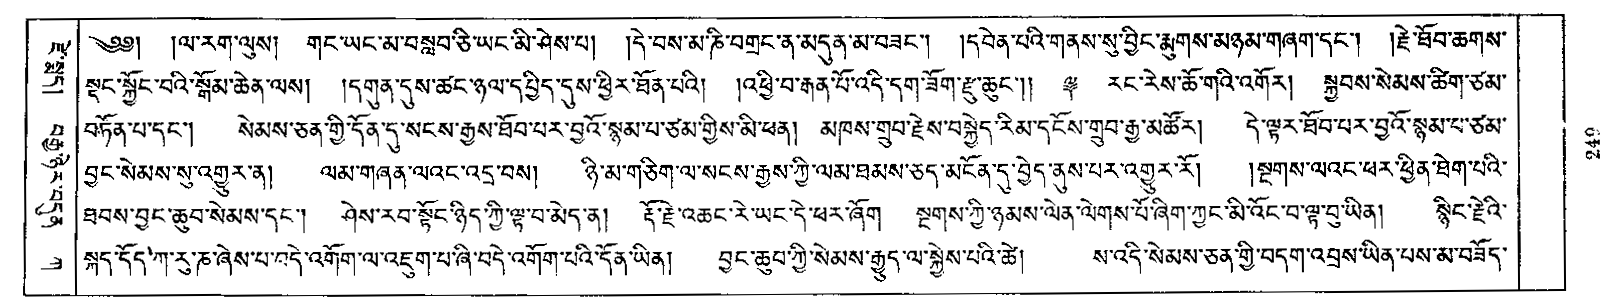༄༅། །ལ་རག་ལུས། གང་ཡང་མ་བསླབ་ཅི་ཡང་མི་ཤེས་པ། །དེ་བས་མ་ཎི་བགྲང་ན་མདུན་མ་བཟང་། །དབེན་པའི་གནས་སུ་བྱིང་རྨུགས་མཉམ་གཞག་དང་། །རྗེ་ཐོབ་ཆགས་
སྡང་སྐྱོང་བའི་སྒོམ་ཆེན་ལས། །དགུན་དུས་ཚང་ཉལ་དཔྱིད་དུས་ཕྱིར་ཐོན་པའི། །འཕྱི་བ་རྒན་པོ་འདི་དག་ཟོག་རྫུ་ཆུང།། ༈ རང་རེས་ཆོ་གའི་འགོར། སྐྱབས་སེམས་ཚིག་ཙམ་
བཏོན་པ་དང་། སེམས་ཅན་གྱི་དོན་དུ་སངས་རྒྱས་ཐོབ་པར་བྱའོ་སྙམ་པ་ཙམ་གྱིས་མི་ཕན། མཁས་གྲུབ་རྗེས་བསྐྱེད་རིམ་དངོས་གྲུབ་རྒྱ་མཚོར། དེ་ལྟར་ཐོབ་པར་བྱའོ་སྙམ་པ་ཙམ་
བྱང་སེམས་སུ་འགྱུར་ན། ལམ་གཞན་ལའང་འདྲ་བས། ཉི་མ་གཅིག་ལ་སངས་རྒྱས་ཀྱི་ལམ་ཐམས་ཅད་མངོན་དུ་བྱེད་ནུས་པར་འགྱུར་རོ། །སྔགས་ལའང་ཕར་ཕྱིན་ཐེག་པའི་
ཐབས་བྱང་ཆུབ་སེམས་དང་། ཤེས་རབ་སྟོང་ཉིད་ཀྱི་ལྟ་བ་མེད་ན། རྡོ་རྗེ་འཆང་རེ་ཡང་དེ་ཕར་ཞོག་སྔགས་ཀྱི་ཉམས་ལེན་ལེགས་པོ་ཞིག་ཀྱང་མི་འོང་བ་ལྟ་བུ་ཡིན། སྙིང་རྗེའི་
སྐད་དོད་ཀ་རུ་ཎ་ཞེས་པ་བདེ་འགོག་ལ་འཇུག་པ་ཞི་བདེ་འགོག་པའི་དོན་ཡིན། བྱང་ཆུབ་ཀྱི་སེམས་རྒྱུད་ལ་སྐྱེས་པའི་ཚེ། ས་འདི་སེམས་ཅན་གྱི་བདག་འབྲས་ཡིན་པས་མ་བཟོད་